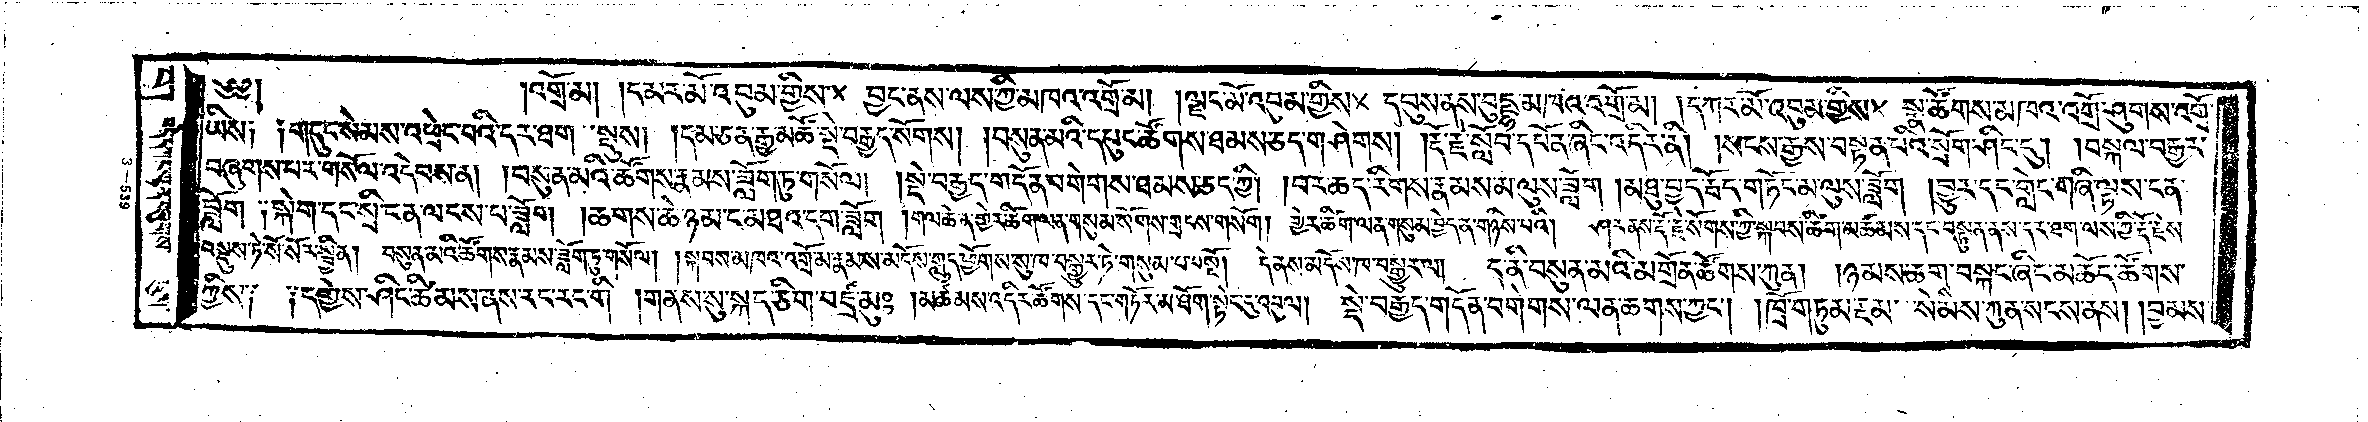༄༅། །འགྲོ་མ། །དམར་མོ་འབུམ་གྱིས་྾་བྱང་ནས་ལས་ཀྱི་མཁའ་འགྲོ་མ། །ལྗང་མོ་འབུམ་གྱིས་྾་དབུས་ནས་བུདྡྷ་མཁའ་འགྲོ་མ། །དཀར་མོ་འབུམ་གྱིས་྾་སྣ་ཚོགས་མཁའ་འགྲོ་ཤུགས་འགྲོ་
ཡིས༑ ༑གདུང་སེམས་འཕྲེང་བའི་དར་ཐག་བསྡུས། །དམ་ཅན་རྒྱ་མཚོ་སྡེ་བརྒྱད་སོགས། །བསུན་མའི་དཔུང་ཚོགས་ཐམས་ཅད་གཤེགས། །རྡོ་རྗེ་སློབ་དཔོན་ཞིང་འདིར་ནི། །སངས་རྒྱས་བསྟན་པའི་སྲོག་ཤིང་དུ། །བསྐལ་བརྒྱར་
བཞུགས་པར་གསོལ་འདེབས་ན། །བསུན་མའི་ཚོགས་རྣམས་ཟློག་ཏུ་གསོལ། །སྡེ་བརྒྱད་གདོན་བགེགས་ཐམས་ཅད་ཀྱི། །བར་ཆད་རིགས་རྣམས་མ་ལུས་ཟློག །མཐུ་བྱད་རྦོད་གཏོང་མ་ལུས་ཟློག །བྱུར་དང་གླེང་གཞི་ལྷས་ངན་
ཟློག ༑སྐེག་དང་སྲི་ངན་ལངས་པ་ཟློག །ཆགས་ཆེ་ཉམ་ང་མཐའ་དག་ཟློག །གལ་ཆེན་གྱེར་ཚིག་ལན་གསུམ་སོགས་གྲངས་གསོག །གྱེར་ཚིག་ལན་གསུམ་བྱེད་ན་གཉིས་པའི། ཤར་ནས་རྡོ་རྗེ་སོགས་ཀྱི་སྐབས་ཚིག་མཚམས་དང་བསྟུན་ནས་དར་ཐག་ལས་ཀྱི་རྡོ་རྗེས་
བསྡུས་ཏེ་སོ་སོར་སྦྱིན། བསུན་མའི་ཚོགས་རྣམས་ཟློག་ཏུ་གསོལ། །སྐབས་མཁའ་འགྲོ་མ་རྣམས་མདོས་གླུད་ཕྱོགས་སུ་ཁ་བསྒྱུར་ཏེ་གསུམ་པ་བསྔོ། དེ་ནས་མདོས་ཁ་བསྒྱུར་ལ། ད་ནི་བསུན་མའི་མགྲོན་ཚོགས་ཀུན། །ཉམས་ཆག་བསྐང་ཞིང་མཆོད་ཚོགས་
ཀྱིས༑ ༑དགྱེས་ཤིང་ཚིམས་ནས་རང་རང་གི །གནས་སུ་སྐད་ཅིག་བཛྲ་མུཿ།མཚམས་འདིར་ཚོགས་དང་གཏོར་མ་ཐོག་སྟེང་དུ་འབུལ།  སྡེ་བརྒྱད་གདོན་བགེགས་ལན་ཆགས་ཀྱང་། །ཁྲོ་གཏུམ་རྔམ་སེམས་ཀུན་སངས་ནས། །བྱམས་